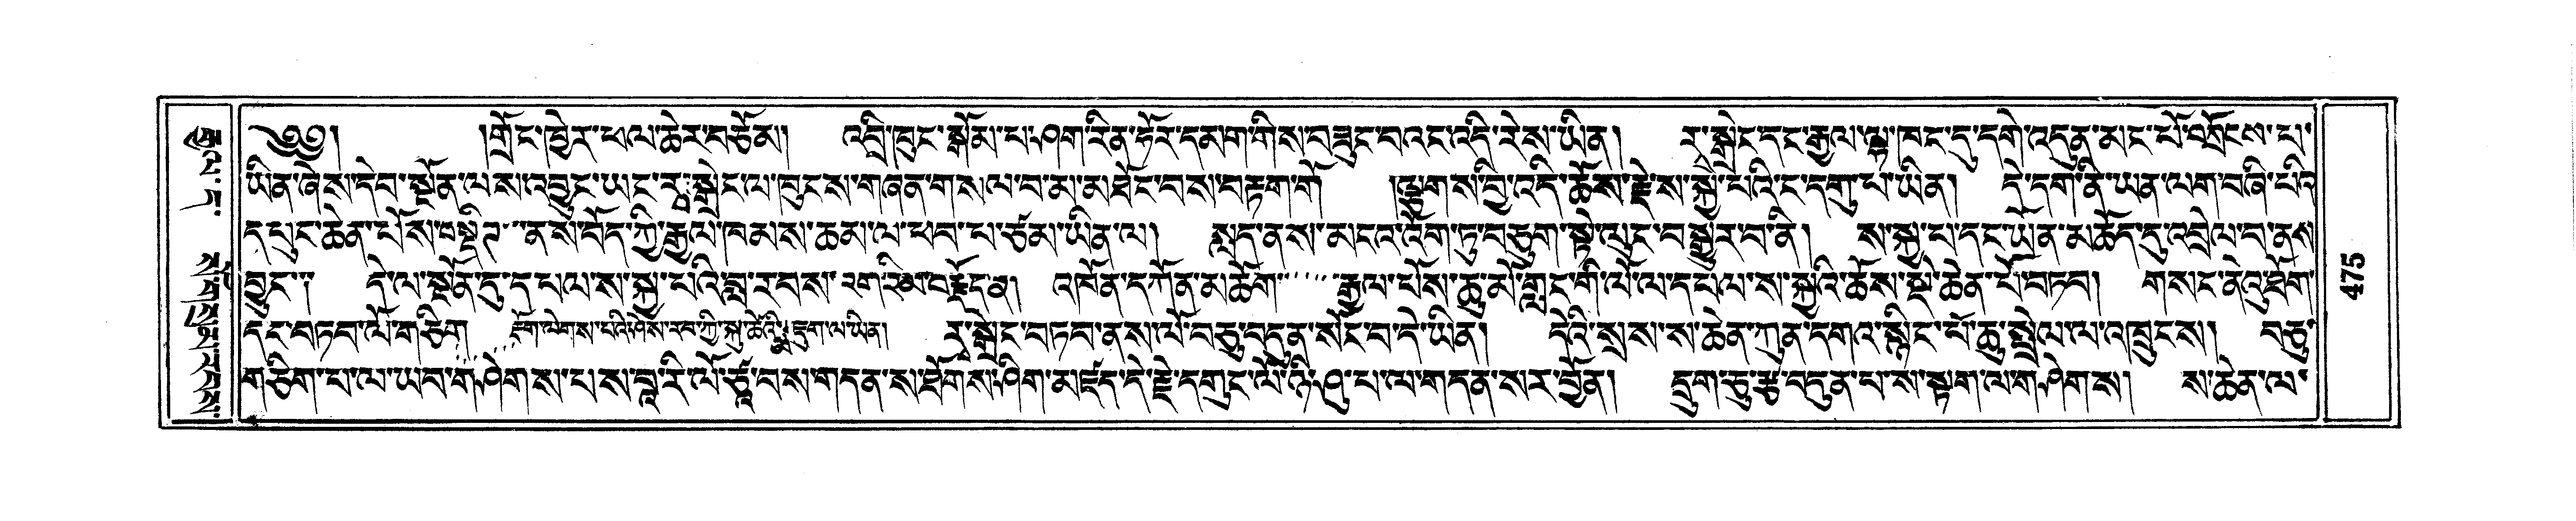༄༅། །གྲོང་ཁྱེར་ཕལ་ཆེར་བཅོམ། འབྲི་ཁུང་སྒོམ་པ་ཤག་རིན་ཧོར་དམག་གིས་བཟུང་བའང་འདི་རེས་ཡིན། རྭ་སྒྲེང་དང་རྒྱལ་ལྷ་ཁང་དུ་དགེ་འདུན་མང་པོ་བཀྲོངས་པ་
ཡིན་ཞེས་དེབ་སྔོན་ལས་འབྱུང་ཡང་རབ་སྒྲེང་ལ་ཁུངས་གཞན་གསལ་བ་མ་མཐོང་བས་བརྟག་གོ །ལྕགས་བྱི་འདི་ཆོས་རྗེ་ས་སྐྱེ་པའི་ང་དགུ་པ་ཡིན། དེ་དག་ནི་ཡན་ལག་བཞི་པའི་
དཔུང་ཆེན་པོས་བསྡིཊ་ནས་བོད་ཀྱི་རྒྱལ་ཁམས་ཆམ་ལ་ཕབ་པ་ཙམ་ཡིན་ལ། སླད་ནས་མངའ་འོག་ཏུ་བཅུག་སྟེ་ལུང་བསྒྱུར་བ་ནི། ས་སྐྱ་པ་དང་ཡོན་མཆོད་དུ་འབྲེལ་བ་ནས་
བྱུང༑ དེ་ལ་སྔོན་དུ་དཔལ་ས་སྐྱ་པའི་བླ་རབས་རག་རིམ་བརྗོད་ན།  འཁོན་དཀོན་མཆོག་རྒྱལ་པོས་ཆུ་མོ་གླང་གི་ལོ་ལ་དཔལ་ས་སྐྱའི་ཆོས་སྡེ་ཆེན་པོ་བཏབ། གསང་ནེའུ་ཐོག་
དང་བཏབ་ལོ་གཅིག་རྔོག་ལེགས་པའི་ཤེས་རབ་ཀྱི་སྐུ་ཚེའི་མ་ཇུག་ལ་ཡིན།  རྭ་སྒྲེང་བཏབ་ནས་ལོ་བཅུ་བདུན་སོང་བ་དེ་ཡིན། དེའི་སྲས་ས་ཆེན་ཀུན་དགའ་སྙིང་པོ་ཆུ་སྤྲེལ་ལ་འཁྲུངས། བཅུ་
གཅིག་པ་ལ་ཡབ་གཤེགས་པས་བཱ་རི་ལོ་ཙཱ་བས་གདན་ས་ཐོགས་ཤིག་མཛད་དེ་རྗེ་དགུང་ལོ་ཉི་ཤུ་པ་ལ་གདན་སར་བྱོན། དྲུག་ཅུ་རྩ་བདུན་པ་ས་སྟག་ལ་གཤེགས། ས་ཆེན་ལ་